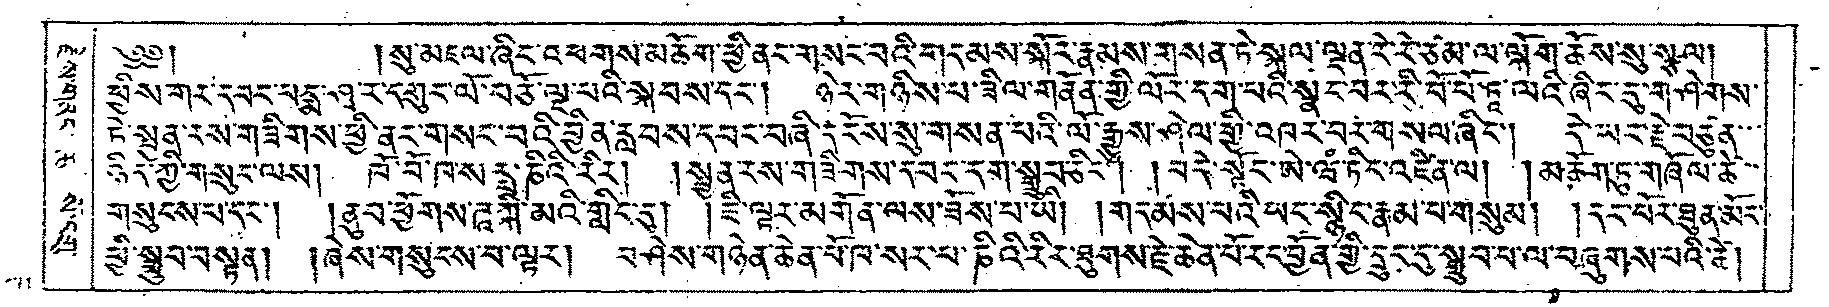༄༅། །སུ་མཇལ་ཞིང་འཕགས་མཆོག་ཕྱི་ནང་གསང་བའི་གདམས་སྐོར་རྣམས་གསན་ཏེ་སྐལ་ལྡན་རེ་རེ་ཙམ་ལ་ལྐོག་ཆོས་སུ་སྩལ།
ཕྱིས་གར་དབང་པདམ་ཤྭ་ར་དགུང་ལོ་བཅོ་ལྔ་པའི་སྐབས་དང་། ཉེར་གཉིས་པ་ཟིལ་གནོན་གྱི་ལོར་དག་པའི་སྣང་བར་རི་བོ་པོ་ཏཱ་ལའི་ཞིང་དུ་གཤེགས་
ཏེ་སྤྱན་རས་གཟིགས་ཕྱི་ནང་གསང་བའི་བྱིན་རླབས་དབང་བཞི་དངོས་སུ་གསན་པའི་ལོ་རྒྱུས་ཤེལ་གྱི་འཁར་བར་གསལ་ཞིང་། དེ་ཡང་རྗེ་བཙུན་
ཉིད་ཀྱི་གསུང་ལས། ཁོ་བོ་ཁ་སརྤ་ཎིའི་རིར། །སྤྱན་རས་གཟིགས་དབང་དག་སྒྲུབ་ཅིང་། །བདེ་སྟོང་ཨེ་ཝཾ་ཏིང་འཛིན་ལ། །མཆོག་ཏུ་གཞོལ་ཚེ་
གསུངས་པ་དང་། །ནུབ་ཕྱོགས་ཌཱཀྐི་མའི་གླིང་དུ། །ཇི་ལྟར་མགོན་ལས་ཐོས་པ་ཡི། །གདམས་པའི་ཡང་སྙིང་རྣམ་པ་གསུམ། །དང་པོར་ཐུན་མོང་
ཕྱི་སྒྲུབ་བསྟན། །ཞེས་གསུངས་པ་ལྟར། བཤེས་གཉེན་ཆེན་པོ་ཁ་སར་པ་ཎིའི་རིར་ཐུགས་རྗེ་ཆེན་པོ་རང་བྱོན་གྱི་དྲུང་དུ་སྒྲུབ་པ་ལ་བཞུགས་པའི་ཚེ།